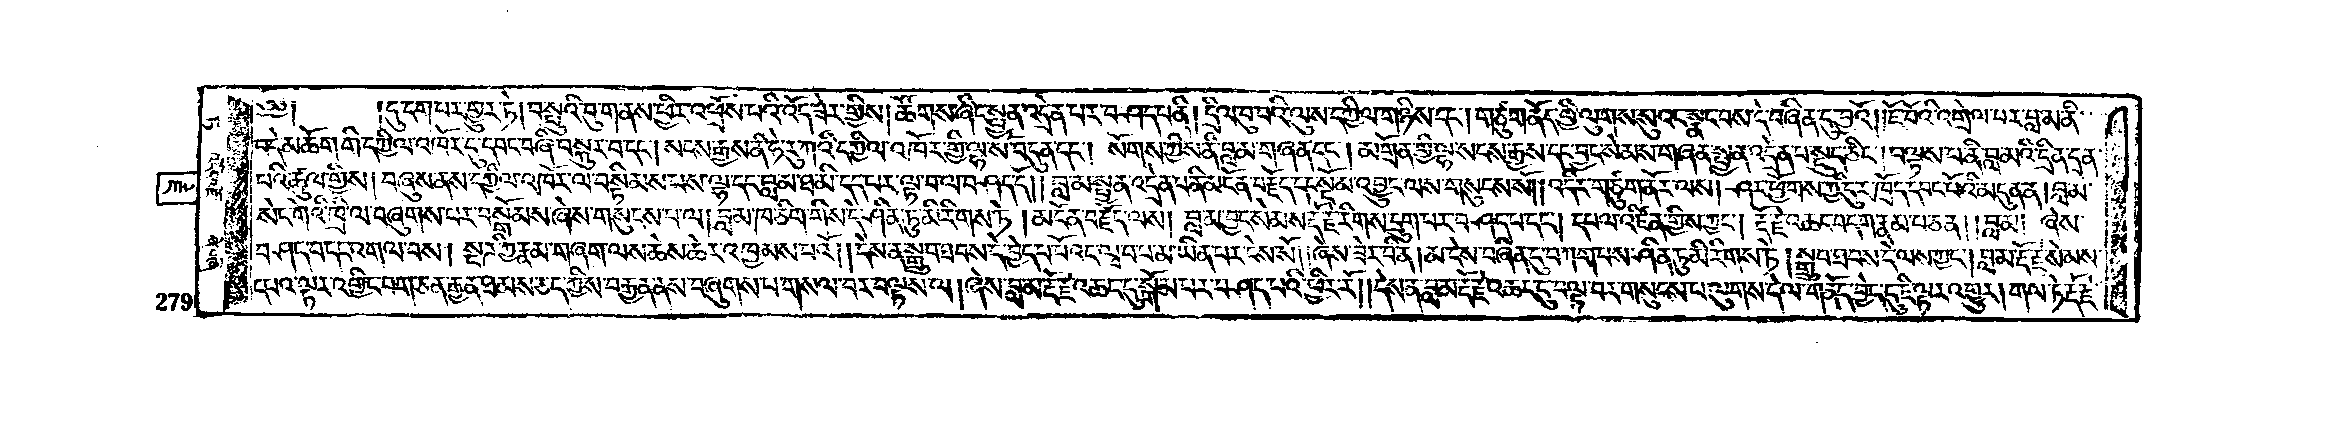༄༅། །དུ་དག་པར་གྱུར་ཏེ། བ་སྤུའི་བུ་ག་ནས་ཕྱིར་འཕྲོས་པའི་འོད་ཟེར་གྱིས། ཚོགས་ཞིང་སྤྱན་འདྲེན་པར་བཤད་པ་ནི། དྲིལ་བུ་པའི་ལུས་དཀྱིལ་གཉིས་དང་། གཙུག་ནོར་གྱི་ལུགས་སུའང་སྣང་བས་དེ་བཞིན་དུ་བྱའོ། །ཇོ་བོའི་འགྲེལ་པར་བླ་མ་ནི་
བདེ་མཆོག་གི་དཀྱིལ་འཁོར་དུ་དབང་བཞི་བསྐུར་བ་དང་། སངས་རྒྱས་ནི་ཧེ་རུ་ཀའི་དཀྱིལ་འཁོར་གྱི་ལྷ་སོ་བདུན་དང་། སོགས་ཀྱིས་ནི་བླ་མ་གཞན་དང་། མགྲོན་གྱི་ལྷ་སངས་རྒྱས་དང་བྱང་སེམས་གཞན་སྤྱན་འདྲེན་པ་སྡུད་ཅིང་། བལྟས་པ་ནི་བླ་མའི་དྲིན་དྲན་
པའི་ཚུལ་གྱིས། བཞུས་ནས་དཀྱིལ་འཁོར་ལ་བསྟིམས་པས་ལྷ་དང་བླ་མ་ཐ་མི་དད་པར་ལྟ་བ་ལ་བཤད་དོ། །བླ་མ་སྤྱན་འདྲེན་པ་ནི་མངོན་བརྗོད་དང་སྡོམ་འབྱུང་ལས་གསུངས་སོ། །འདིར་གཙུག་ནོར་ལས། ཤར་ཕྱོགས་ཀྱི་དུར་ཁྲོད་དབང་པོའི་མདུན་ན། བླ་མ་
སེང་གེའི་ཁྲི་ལ་བཞུགས་པར་བསྒོམས་ཞེས་གསུངས་པ་ལ། བླ་མ་ཁ་ཅིག་གིས་དེ་ཤིན་ཏུ་མི་རིགས་ཏེ། མངོན་བརྗོད་ལས། བླ་མ་བྱང་སེམས་རྡོ་རྗེ་རིགས་དྲུག་པར་བཤད་པ་དང་། དཔལ་འཛིན་གྱིས་ཀྱང་། རྡོ་རྗེ་འཆང་བདག་རྣམ་པ་ཅན། །བླ་མ། ཞེས་
བཤད་པ་དང་འགལ་བས། སྔགས་ཀྱི་རྣམ་གཞག་ལས་ཆེས་ཆེར་འཁྱམས་པའོ། །དེས་ན་སྒྲུབ་ཐབས་དེ་བྱེད་པ་པོའང་ལྭ་བ་པ་མ་ཡིན་པར་ངེས་སོ། །ཞེས་ཟེར་བ་ནི། མ་ངེས་བཞིན་དུ་བཀག་པས་ཤིན་ཏུ་མི་རིགས་ཏེ། སྒྲུབ་ཐབས་དེ་ལས་ཀྱང་། བླ་མ་རྡོ་རྗེ་སེམས་
དཔའ་ལྟར་འགྱིང་བག་ཅན་རྒྱན་ཐམས་ཅད་ཀྱིས་བརྒྱན་ནས་བཞུགས་པ་གསལ་བར་བལྟས་ལ། ཞེས་བླ་མ་རྡོ་རྗེ་འཆང་དུ་སྒོམ་པར་བཤད་པའི་ཕྱིར་རོ། །དེས་ན་བླ་མ་རྡོ་རྗེ་འཆང་དུ་བལྟ་བར་གསུངས་པ་ལུགས་དེ་ལ་གནོད་བྱེད་དུ་ཇི་ལྟར་འགྱུར། །གལ་ཏེ་རྡོ་རྗེ་